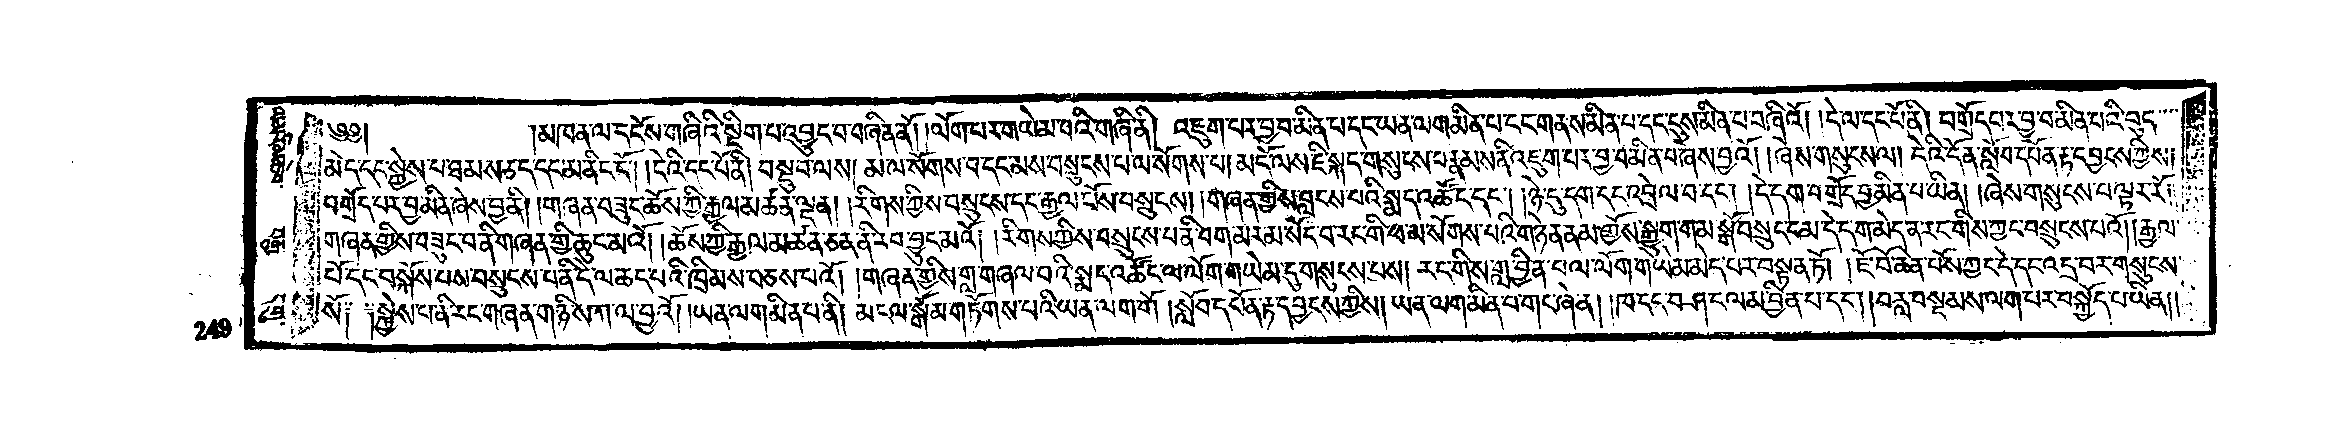༄༅། །མཁན་ལ་དངོས་གཞིའི་སྡིག་པ་འབྱུང་བ་བཞིན་ནོ། །ལོག་པར་གཡེམ་པའི་གཞི་ནི། འཇུག་པར་བྱ་བ་མིན་པ་དང་ཡན་ལག་མིན་པ་དང་གནས་མིན་པ་དང་དུས་མིན་པ་བཞིའོ། །དེ་ལ་དང་པོ་ནི། བགྲོད་པར་བྱ་བ་མིན་པའི་བུད་
མེད་དང་སྐྱེས་པ་ཐམས་ཅད་དང་མ་ནིང་ངོ། །དེའི་དང་པོ་ནི། བསྡུ་བ་ལས། མ་ལ་སོགས་པ་དང་མས་བསྲུངས་པ་ལ་སོགས་པ། མདོ་ལས་ཇི་སྐད་གསུངས་པ་རྣམས་ནི་འཇུག་པར་བྱ་བ་མིན་པ་ཞེས་བྱའོ། །ཞེས་གསུངས་ལ། དེའི་དོན་སློབ་དཔོན་རྟ་དབྱངས་ཀྱིས།
བགྲོད་པར་བྱ་མིན་ཞེས་བྱ་ནི། །གཞན་བཟུང་ཆོས་ཀྱི་རྒྱལ་མཚན་ལྡན། །རིགས་ཀྱིས་བསྲུངས་དང་རྒྱལ་པོས་བསྲུངས། །གཞན་གྱིས་བླངས་པའི་སྨད་འཚོང་དང་། །ཉེ་དུ་དག་དང་འབྲེལ་བ་དང་། །དེ་དག་བགྲོད་བྱ་མིན་པ་ཡིན། །ཞེས་གསུངས་པ་ལྟར་རོ། །
གཞན་གྱིས་བཟུང་བ་ནི་གཞན་གྱི་ཆུང་མའོ། །ཆོས་ཀྱི་རྒྱལ་མཚན་ཅན་ནི་རབ་བྱུང་མའོ། །རིགས་ཀྱིས་བསྲུངས་པ་ནི་བག་མར་མ་སོང་བ་རང་གི་ཕ་ལ་སོགས་པའི་གཉེན་ནམ་གྱོས་སྒྱུག་གམ་སྒོ་བསྲུང་ངམ་དེ་དག་མེད་ན་རང་གིས་ཀྱང་བསྲུངས་པའོ། །རྒྱལ་
པོ་དང་བསྐོས་པས་བསྲུངས་པ་ནི་དེ་ལ་ཆད་པའི་ཁྲིམས་བཅས་པའོ། །གཞན་གྱིས་གླ་གཞལ་བའི་སྨད་འཚོང་ལ་ལོག་གཡེམ་དུ་གསུངས་པས། རང་གིས་གླ་བྱིན་པ་ལ་ལོག་གཡེམ་མེད་པར་བསྟན་ཏོ། །ཇོ་པོ་ཆེན་པོས་ཀྱང་དེ་དང་འདྲ་བར་གསུངས་
སོ༑ ༑སྐྱེས་པ་ནི་རང་གཞན་གཉིས་ཀ་ལ་བྱའོ། །ཡན་ལག་མིན་པ་ནི། མངལ་སྒོམ་གཏོགས་པའི་ཡན་ལག་གོ །སློབ་དཔོན་རྟ་དབྱངས་ཀྱིས། ཡན་ལག་མིན་པ་གང་ཞེ་ན། །ཁ་དང་བཤང་ལམ་བྱིན་པ་དང་། །བརླ་བསྡམས་ལག་པར་བསྐྱོད་པ་ཡིན། །